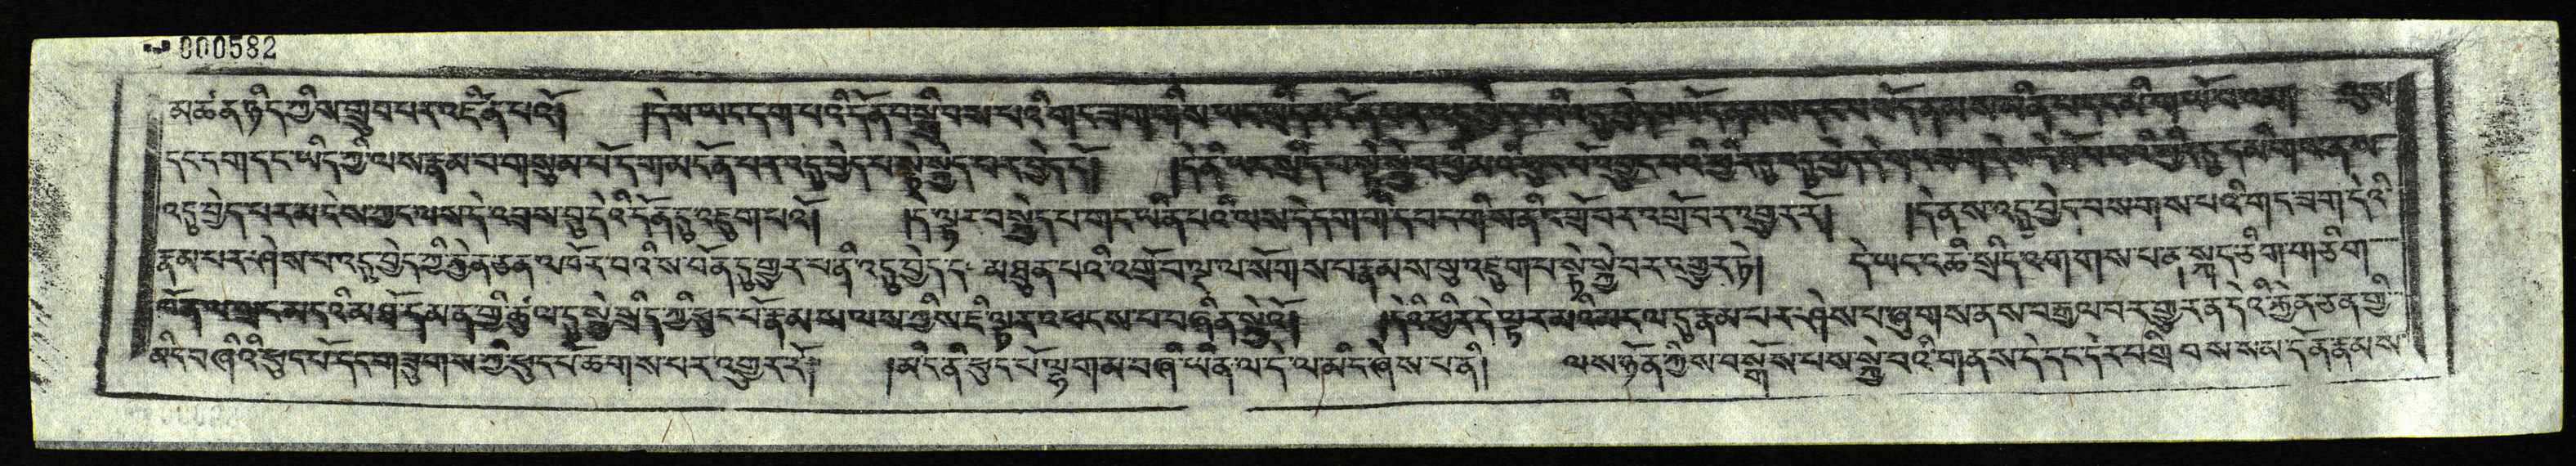མཚན་ཉིད་ཀྱིས་གྲུབ་པར་འཛིན་པའོ། །དེས་ཡང་དག་པའི་དོན་བསྒྲིབས་པའི་གང་ཟག་གིས་ཡང་སྲིད་མངོན་པར་འདུ་བྱེད་པའི་འདུ་བྱེད་བསོད་ནམས་དང་བསོད་ནམས་མིན་པ་དང་མི་གཡོ་བ་འམ། ལུས་
དང་ངག་དང་ཡིད་ཀྱི་ལས་རྣམ་པ་གསུམ་པོ་དག་མངོན་པར་འདུ་བྱེད་པ་སྟེ་སྐྱེད་པར་བྱེད་དོ། །དེ་ནི་ཡང་སྲིད་པ་སྟེ་སྐྱེ་བ་ཕྱི་མའི་ཕུང་པོ་འབྱུང་བའི་ཕྱིར་དུ་འདུ་བྱེད་དེ་གང་ལ་གདེས་དེ་ཐོབ་པའི་ཕྱིར་དུ་དམིགས་ནས་
འདུ་བྱེད་པར་མ་ངེས་ཀྱང་ལས་དེ་འབྲས་བུ་དེའི་དོན་དུ་འཇུག་པའོ། །དེ་ལྟར་བསྐྱེད་པ་གང་ཡིན་པའི་ལས་དེ་དག་གི་དབང་གིས་ནི་འགྲོ་བར་འགྲོ་བར་འགྱུར་རོ། །དེ་ནས་འདུ་བྱེད་པ་སགས་པའི་གང་ཟག་དེའི་
རྣམ་པར་ཤེས་པ་འདུ་བྱེད་ཀྱི་རྐྱེན་ཅན་འཁོར་བའི་ས་བོན་དུ་གྱུར་པ་ནི་འདུ་བྱེད་དང་མཐུན་པའི་འགྲོ་བ་ལྔ་ལ་སོགས་པ་རྣམས་སུ་འཇུག་པ་སྟེ་སྐྱེ་བར་འགྱུར་ཏེ། དེ་ཡང་འཆི་སྲིད་འགགས་པ་ན་སྐད་ཅིག་གཅིག་
ཁོ་ན་ལ་སྲང་མདའི་མཐོ་དམན་གྱི་ཚུལ་དུ་སྐྱེ་སྲིད་ཀྱི་ཕུང་པོ་རྣམས་ལས་ཀྱིས་ཇི་ལྟར་འཕངས་པ་བཞིན་སྐྱེའོ། །དེའི་ཕྱིར་དེ་ལྟར་མའི་མངལ་དུ་རྣམ་པར་ཤེས་པ་ཞུགས་ནས་བརྒྱལ་བར་གྱུར་ན་དེའི་རྐྱེན་ཅན་གྱི་
མིང་བཞིའི་ཕུང་པོ་དང་གཟུགས་ཀྱི་ཕུང་པོ་ཆགས་པར་འགྱུར་རོ། །མེད་ནི་ཕུང་པོ་ལྷག་མ་བཞི་ཡིན་ལ་དེ་ལ་མིང་ཞེས་པ་ནི། ལས་ཉོན་ཀྱིས་བསྒོས་པས་སྐྱེ་བའི་གནས་དེ་དང་དེར་བགྲིབས་སམ་དོན་རྣམས་